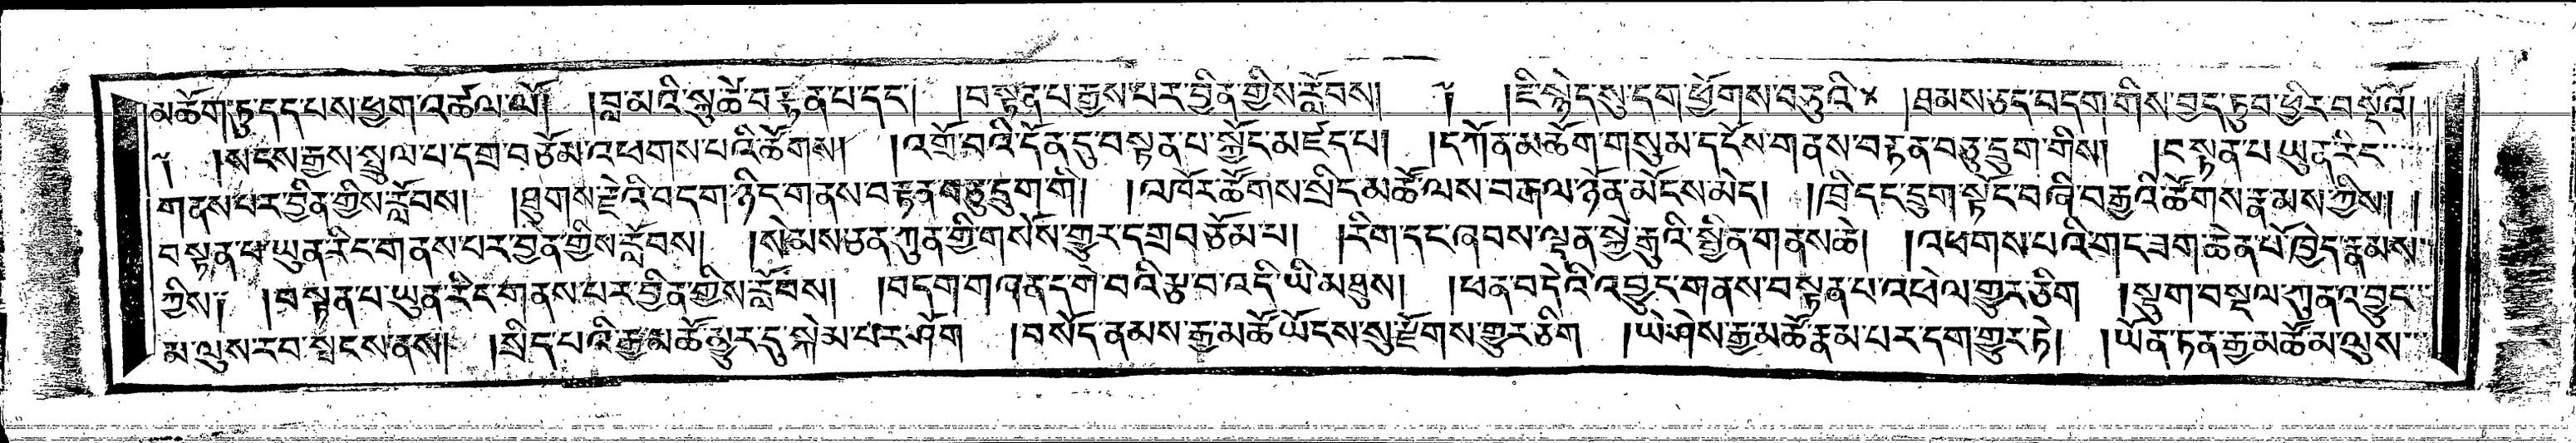མཆོག་ཏུ་དད་པས་ཕྱག་འཚལ་ལོ། །བླ་མའི་སྐུ་ཚེ་བརྟན་པ་དང་། །བསྟན་པ་རྒྱས་པར་བྱིན་གྱིས་རློབས། ༈ །ཇི་སྙེད་སུ་དག་ཕྱོགས་བཅུའི་{྾}། ཐམས་ཅད་བདག་གིས་བྱང་ཆུབ་ཕྱིར་བསྔོའོ། །
༈ །སངས་རྒྱས་སྤྲུལ་པ་དགྲ་བཅོམ་འཕགས་པའི་ཚོགས། །འགྲོ་བའི་དོན་དུ་བསྟན་པ་སྐྱོང་མཛད་པ། །དཀོན་མཆོག་གསུམ་དངོས་གནས་བརྟན་བཅུ་དྲུག་གིས། །བསྟན་པ་ཡུན་རིང་
གནས་པར་བྱིན་གྱིས་རློབས། །ཐུགས་རྗེའི་བདག་ཉིད་གནས་བརྟན་བཅུ་དྲུག་གི །འཁོར་ཚོགས་སྲིད་མཚོ་ལས་བརྒལ་ཉོན་མོངས་མེད། །ཁྲི་དང་དྲུག་སྟོང་བཞི་བརྒྱའི་ཚོགས་རྣམས་ཀྱིས། །
བསྟན་པ་ཡུན་རིང་གནས་པར་བྱིན་གྱིས་རློབས། །སེམས་ཅན་ཀུན་གྱི་གསོས་གྱུར་དགྲ་བཅོམ་པ། །རིག་དང་ཞབས་ལྡན་སྐྱེ་རྒུའི་སྦྱིན་གནས་ཆེ། །འཕགས་པའི་གང་ཟག་ཆེན་པོ་ཁྱེད་རྣམས་
ཀྱིས། །བསྟན་པ་ཡུན་རིང་གནས་པར་བྱིན་གྱིས་རློབས། །བདག་གཞན་དགེ་བའི་རྩ་བ་འདི་ཡི་མཐུས། །ཕན་བདེའི་འབྱུང་གནས་བསྟན་པ་འཕེལ་གྱུར་ཅིག །སྡུག་བསྔལ་ཀུན་འབྱུང་
མ་ལུས་རབ་སྤངས་ནས། །སྲིད་པའི་རྒྱ་མཚོ་མྱུར་དུ་སྐེམ་པར་ཤོག །བསོད་ནམས་རྒྱ་མཚོ་ཡོངས་སུ་རྫོགས་གྱུར་ཅིག །ཡེ་ཤེས་རྒྱ་མཚོ་རྣམ་པར་དག་གྱུར་ཏེ། །ཡོན་ཏན་རྒྱ་མཚོ་མ་ལུས་